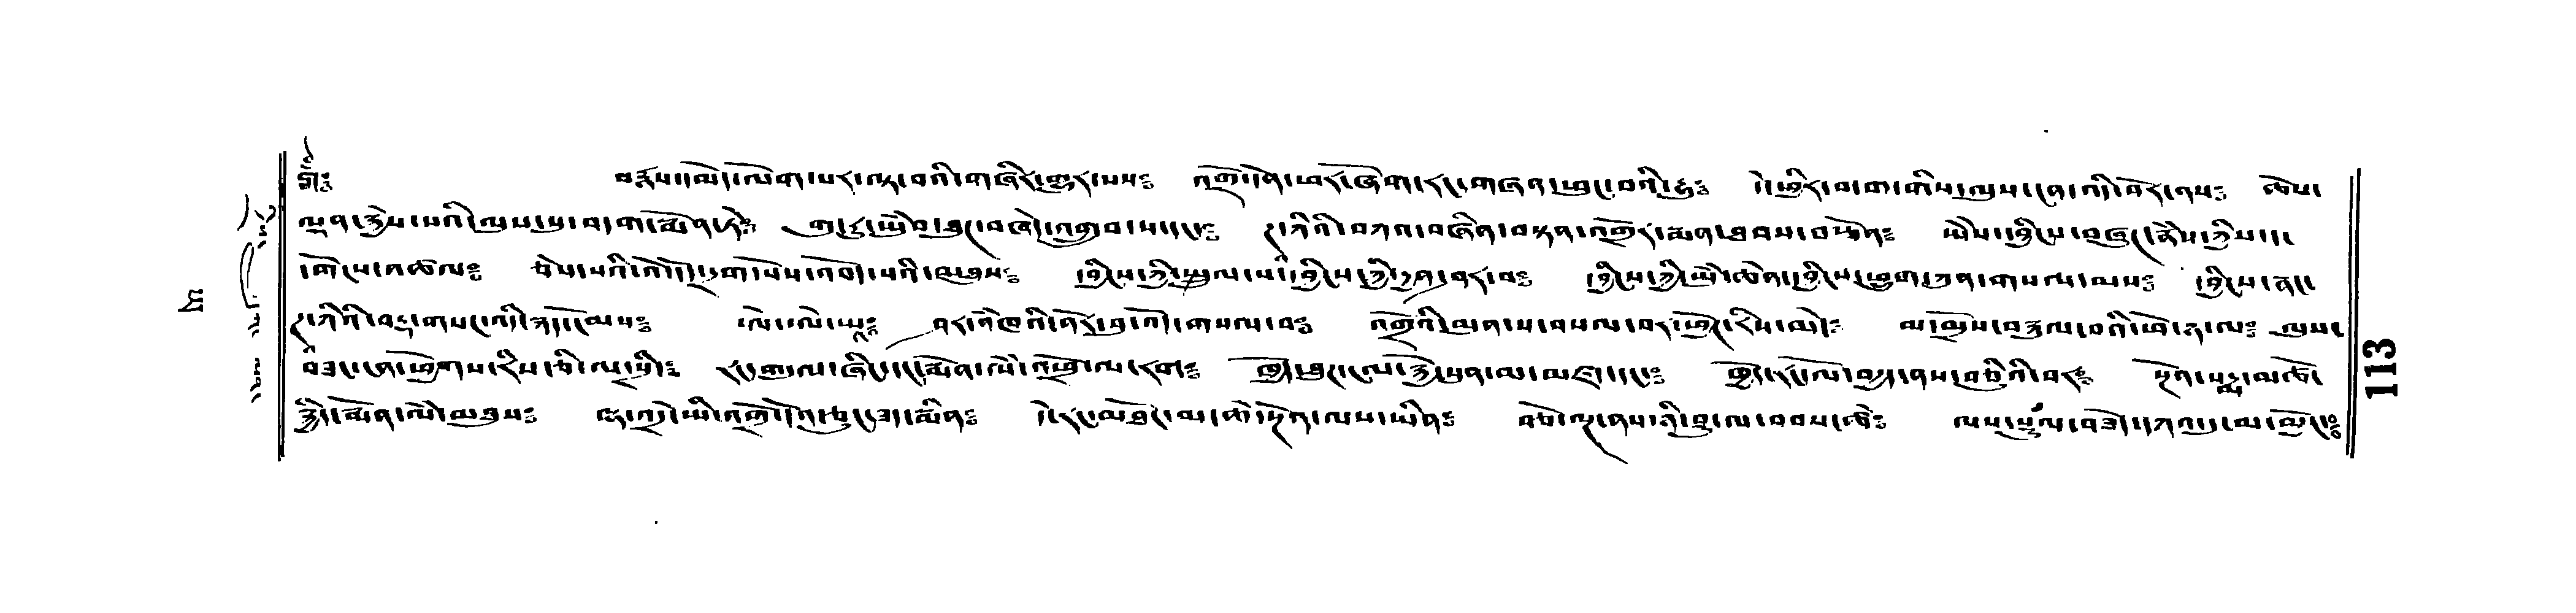བརྙས་དམོད་ལོག་པར་ལྟ་བའི་གཞིར་གྱུར་པས༔ འགྲོ་དོན་ཕར་ཞོག་རང་གཞན་ཕུང་བའི་རྒྱུ༔ དེ་ཕྱིར་བདག་གིས་ལུས་ངན་འདི་བོར་ནས༔ ཆོས་
ལྡན་སྐྱེས་པའི་ལུས་སུ་བདག་སྨོན་ཏེ༔ གུ་རུ་ཡབ་ཡུམ་ཐུགས་བཞེད་འགྲུབ་པ་དང༔ ཌཱ་ཀིའི་བཀའ་བཞིན་བསྟན་འགྲོར་སྨན་ཐབས་བརྩོན༔ ཡེ་ཤེས་དབྱིངས་བཞུགས་རྣམས་ཀྱིས་ད་
དགོངས་འཚལ༔ཅེས་པའི་འོ་དོད་དྲག་པོས་འབོད་པའི་མཐུས༔ དབྱིངས་ཀྱི་སྤྲུལ་པ་དབྱིངས་ཀྱི་རྒྱན་ཤར་བ༔ དབྱིངས་ཀྱི་ཡུམ་ཆེན་དབྱིངས་ཕྱུག་ཀུན་གསལ་མས༔ དབྱིངས་སྣང་
ཌཱ་ཀིའི་བརྡ་གསང་འདི་སྐད་ངོམས༔ ཨེ་ཨེ་ཡཱཿ ཤར་ནམ་མཁའི་ནོར་བུ་འོད་གསལ་བ༔ འགྲོའི་མུན་པ་བསལ་བར་ཕྱོགས་རིས་མེད༔ མ་མཁའ་འགྲོས་བསྐུལ་བའི་ཕོ་ཉ་ལ༔ ལུས་
བཟང་ངན་ཕྱོགས་རིས་ཅི་ལ་སྲིད༔ རང་གདུལ་ཞིང་སྨོན་ལམ་འཕྲོ་ལ་རག༔ ཁྱོད་ཐུགས་ངལ་སྐྱོ་སུན་མ་མཛད་དང༔ ཁྱོད་རང་ལོ་བརྒྱད་ནས་བཅུ་བཞིའི་བར༔ སྔོན་པདྨ་མཚོ་
སྐྱིད་སྨོན་ལམ་མཐུས༔ ལྷ་འདྲེ་ཡི་འགྲོ་དོན་ཅུང་ཟད་སྨིན༔ དེ་རང་མཐོང་མ་ཆེ་སྔོན་ལས་ཡིན༔ བཅོ་ལྔ་ནས་ཉི་ཤུ་ལ་བབས་ཚེ༔ ལས་བསྡུག་བསྔལ་བཟོད་དཀའ་དུ་མ་མྱོང༔